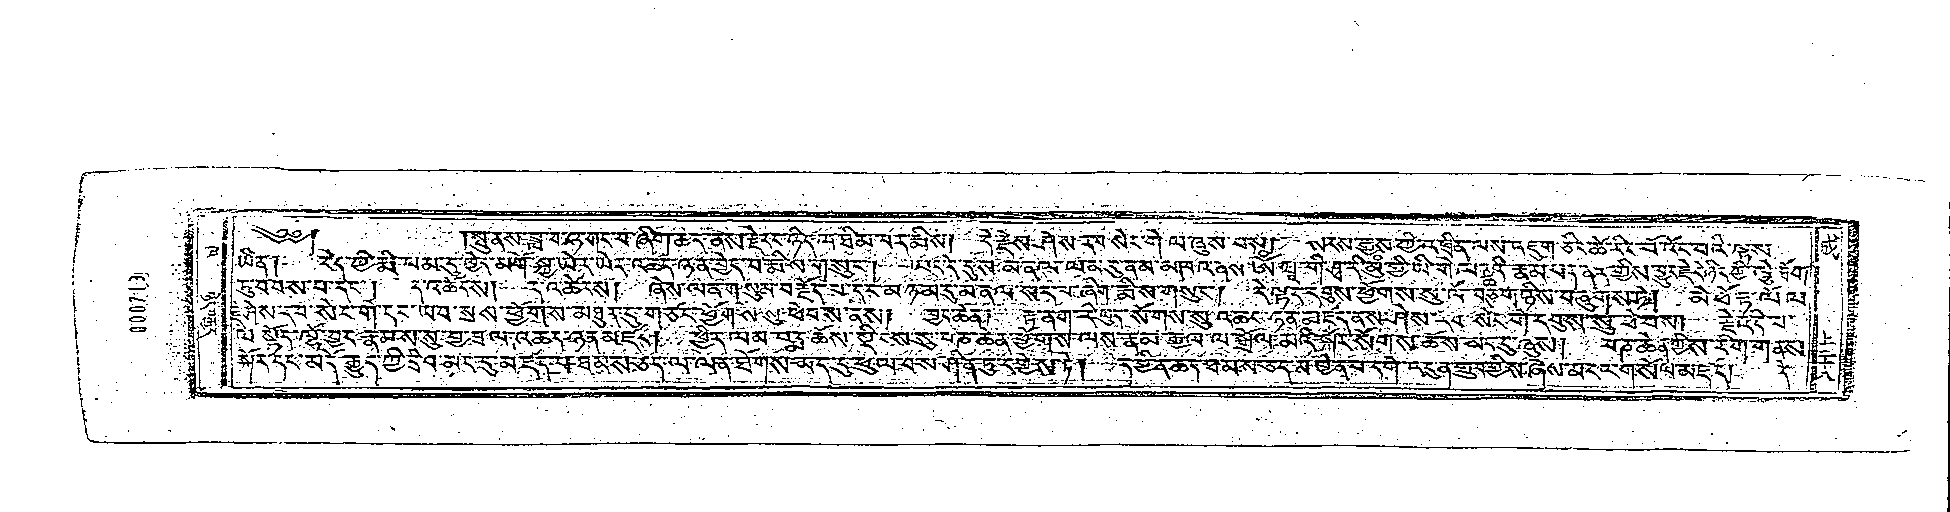༄༅། །སྤུ་ནས་ཟླ་བ་ཉ་གང་བ་ཞིག་ཆད་ནས་རྗེ་རང་ཉིད་ལ་ཐིམ་པར་རྨིས། དེ་རྗེས་ཤེས་རབ་སེང་གེ་ལ་ཞུས་པས། སངས་རྒྱས་ཀྱི་འཕྲིན་ལས་འཇུག་ཅིང་ཚེ་རིང་པོ་འོང་བའི་ལྟས་
ཡིན། ངེད་ཀྱི་རྨི་ལམ་དུ་ཁྱེད་མགོ་སྐྱ་ཡེར་ཡེར་འཆད་ཉན་བྱེད་པ་རྨིས་གསུང་། ཡང་དེ་དུས་མནལ་ལམ་དུ་ནམ་མཁའ་ནས་ཨོཾ་ཝཱ་གི་ཤྭ་རི་མུཾ་གྱི་ཡི་གེ་ལཊྪའི་རྣམ་པར་ནར་གྱིས་བྱུང་རྗེ་དེ་ཉིད་ཀྱི་ལྕེ་ཐོག་
ཏུ་བབས་པ་དང་། ད་འཚོངས། ད་འཚེངས། ཞེས་ལན་གསུམ་བརྗོད་པ་དང་མཉམ་དུ་མནལ་སར་པ་ཞིག་རྨིས་གསུང་། དེ་ལྟར་དབུས་ཕྱོགས་སུ་ལོ་བཅུ་གཉིས་བཞུགས་ཏེ། མེ་ཕོ་རྟ་ལོ་ལ་
རྗེ་ཤེས་རབ་སེང་གེ་དང་ཡབ་སྲས་ཕྱོགས་མཐུན་དུ་གཙང་ཕྱོགས་སུ་ཕེབས་ནས། བྱང་ཆེན། རྟ་ནག་རི་ལུད་སོགས་སུ་འཆང་ཉན་མཛད་ནས་ཤེས་རབ་སེང་གེ་དབུས་སུ་ཕེབས། རྗེ་འདི་པ་
ལ་སྟོད་ལྷོ་བྱང་རྣམས་སུ་བྱ་བྲལ་འཆང་ཉན་མཛད། ཕྱིད་ལམ་བདམ་ཆོས་སྡིངས་སུ་པཎ་ཆེན་ཕྱོགས་ལས་རྣམ་རྒྱལ་ལ་སྒྲོལ་མའི་སྐོར་སོགས་ཆོས་མང་དུ་ཞུས། པཎ་ཆེན་གྱིས་རིག་གནས་
སྐོར་དང་མདོ་རྒྱུད་ཀྱི་དྲི་བ་མང་དུ་མཛད་པ་ཐམས་ཅད་ལ་ལན་ཐོགས་མང་དུ་ཕུལ་བས་ཤིན་ཏུ་དགྱེས་ཏེ། ད་ཕྱིན་ཆད་ཐམས་ཅད་མཁྱེན་པ་དགེ་འདུན་གྲུབ་གྱིས་ཞེས་མངའ་གསོལ་མཛད། དེ་